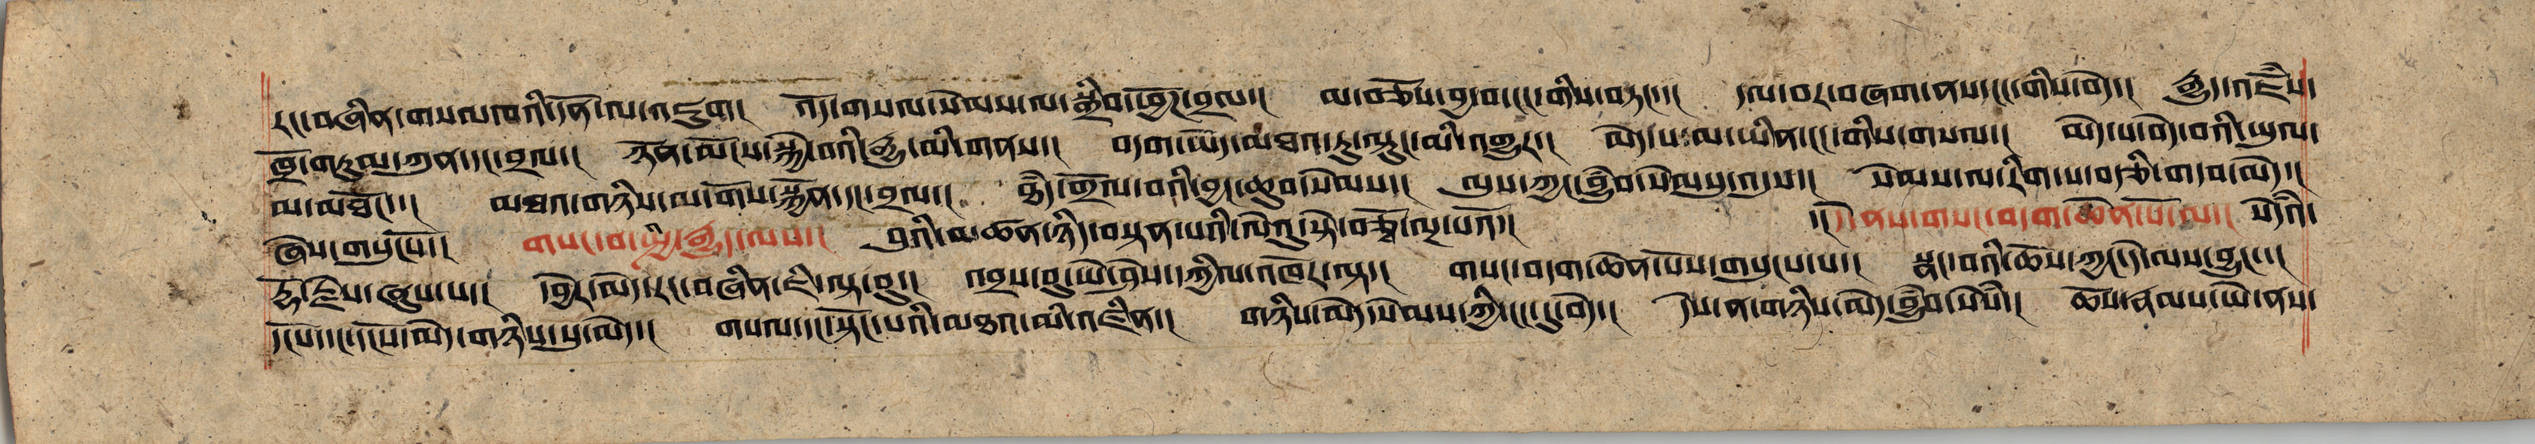རང་བཞིན་གསལ་བའི་དོན་ལ་འཇུག། འོད་གསལ་སེམས་ལ་སྒྲིབ་ཕྱོཌ་བྲལ་། མ་བཅོས་བྱ་བ་ངང་གིས་བཏང་་། དལ་བར་བཞག་ནས་ངང་གིས་བདེ་། རྒྱུད་འཇོཾས་
ཁྲོ་གཏུམ་ཀུན་དང་བྲལ་། ཉོན་མོངས་སྐྱེ་བའི་རྒྱུ་མི་གནས་། བདག་མེད་མཐའ་རུ་ལྟུང་མི་འགྱུར་། མེད་པ་མ་ཡིན་ངང་གིས་གསལ་། མེད་པ་བདེ་བའི་ཡུལ་
མ་མཐོང་་། མཐའ་གཉིས་མ་གོས་སྐྱོན་དང་བྲལ་། ཐཾད་གྲོལ་བའི་བྱང་ཆུབ་སེམས་། ལུས་ཀྱང་བྱུཾབ་སེམསུ་འདུས་། སེམས་ལ་རིག་པ་བརྩི་གདབ་མེད་།
ཞེས་གསུངསོ་། གསང་བ་སྤྱི་རྒྱུད་ལས་། བུའི་མཚན་ཉིད་བསྟན་པའི་ལེའུ་སྟེ་བཅྭོ་ལྔ་པའོ་། ་།དེ་ནས་གསང་བདག་ཆེན་པོ་ལ་། སེདཾའ་
རྡོ་རྗེས་ཞུས་པ་། དབྱེར་མེད་རང་བཞིན་ཇི་ལྟ་བུ་། འབྲས་བུ་ཡེ་ཤེས་དཀྱིལ་འཁོར་ལྟ་། གསང་བདག་ཆེན་པོས་གསུངས་པ་། སྣང་བའི་ཆོས་ཀྱང་དེ་ལས་བྱུང་་།
དངོས་དང་དངོས་མེད་གཉིས་སུ་མེད་། གསལ་དང་སྟོང་པའི་མཐའ་མི་འཛིན་། གཉིས་མེད་སེམས་ཀྱི་ངང་དུ་བདེ་། དེས་ན་གཉིས་མེད་བྱུཾབ་སེཾས་། ཆོས་རྣམས་ཡེ་ནས་